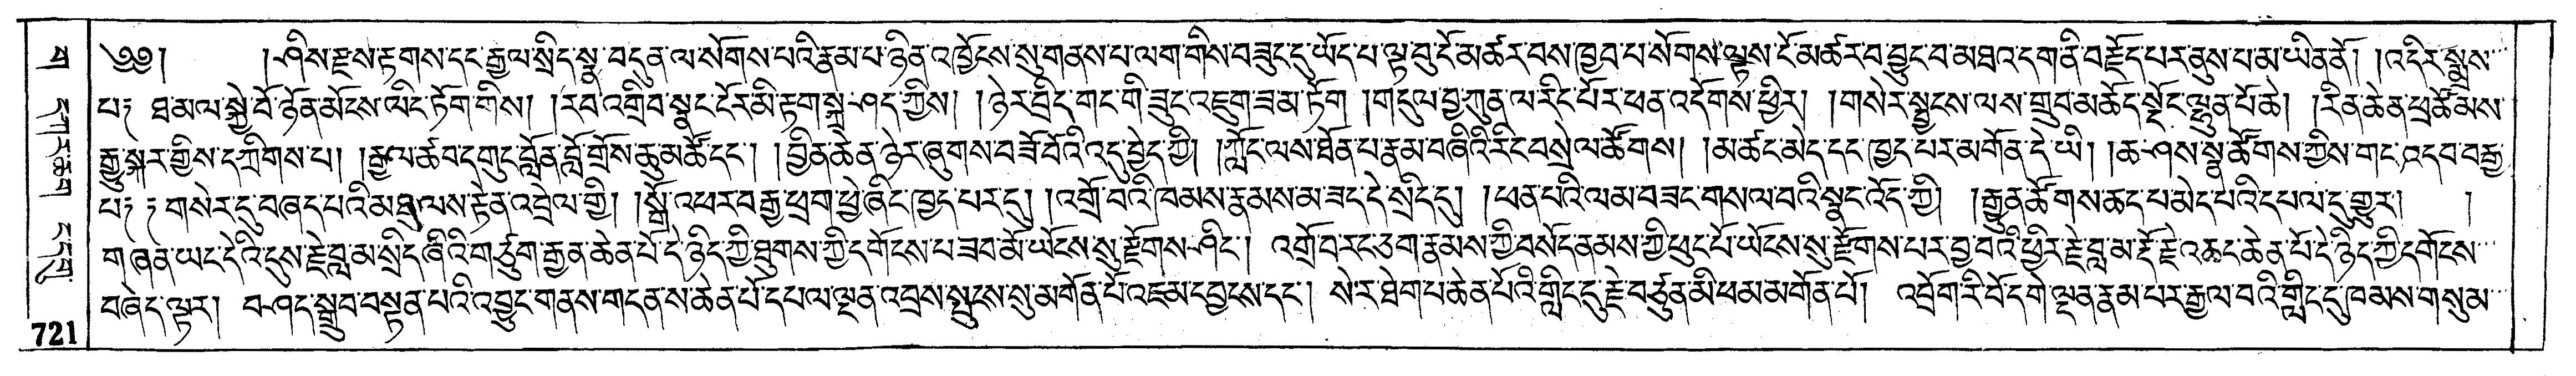༄༅། །ཤིས་རྫས་རྟགས་དང་རྒྱལ་སྲིད་སྣ་བདུན་ལ་སོགས་པའི་རྣམ་པ་ཉིན་འཁྱོངས་སུ་གནས་བ་ལག་གིས་བཟུང་དུ་ཡོད་པ་ལྟ་བུ་ངོ་མཚར་བས་ཁྱབ་པ་སོགས་ལྟས་ངོ་མཚར་བ་བྱུང་བ་མཐའ་དག་ནི་བརྗོད་པར་ནུས་པ་མ་ཡིན་ནོ། །འདིར་སྨྲས་
པ༑ ཐ་མལ་སྐྱེ་པོ་ཉོན་མོངས་ལིང་ཏོག་གིས། །རབ་འགྲིབ་སྣང་ངོར་མི་རྟག་སྐྲ་ཤད་ཀྱིས། །ཉེར་བྲིད་གང་གི་ཟུང་འཇུག་ཟ་མ་ཏོག །གདུལ་བྱ་ཀུན་ལ་རིང་བོར་ཕན་འདོགས་ཕྱིར། །གསེར་སྦྱངས་ལས་གྲུབ་མཆོད་སྡོང་ལྷུན་པོ་ཆེ། །རིན་ཆེན་ཕྲ་ཚོམས་
རྒྱུ་སྐར་གྱིས་དཀྲིགས་པ། །རྒྱལ་ཚབ་དགུང་བློན་བློ་གྲོས་ཆུ་མཚོ་དང་། །བྱིན་ཆེན་ཉེར་ཞུགས་བཟོ་བོའི་འདུ་བྱེད་ཀྱི། །ཀློང་ལས་ཐོན་པ་རྣམ་བཞིའི་རིང་བསྲེལ་ཚོགས། །མཚང་མེད་དང་ཁྱད་པར་མགོན་དེ་ཡི། །ཆ་ཤས་སྣ་ཚོགས་ཀྱིས་གང་འདབ་བརྒྱ་
པ༑ ༑གསེར་དུ་བཞད་པའི་མཐུ་ལས་རྟེན་འབྲེལ་གྱི། །སྒོ་འཕར་བརྒྱ་ཕྲག་ཕྱེ་ཞིང་ཁྱད་པར་དུ། །འགྲོ་བའི་ཁམས་རྣམས་མ་ཟད་དེ་སྲིད་དུ། །ཕན་པའི་ལམ་བཟང་གསལ་བའི་སྣང་འོད་ཀྱི། །རྒྱུན་ཚོགས་ཆད་པ་མེད་པའི་དཔལ་དུ་གྱུར། །
གཞན་ཡང་དེའི་དུས་རྗེ་བླ་མ་སྲིད་ཞིའི་གཙུག་རྒྱན་ཆེན་པོ་དེ་ཉིད་ཀྱི་ཐུགས་ཀྱི་དགོངས་བ་ཟབ་མོ་ཡོངས་སུ་རྫོགས་ཤིང་། འགྲོ་བ་རང་ཅག་རྣམས་ཀྱི་བསོད་ནམས་ཀྱི་ཕུང་པོ་ཡོངས་སུ་རྫོགས་པར་བྱ་བའི་ཕྱིར་རྗེ་བླ་མ་རྡོ་རྗེ་འཆང་ཆེན་པོ་དེ་ཉིད་ཀྱི་དགོངས་
བཞད་ལྟར། བཤད་སྒྲུབ་བསྟན་པའི་འབྱུང་གནས་གདན་ས་ཆེན་པོ་དཔལ་ལྡན་འབྲས་སྦུངས་སུ་མགོན་པོ་འཇམ་དབྱངས་དང་། སེར་ཐེག་བ་ཆེན་པོའི་གླིང་དུ་རྗེ་བཙུན་མི་ཕམ་མགོན་པོ། འབྲོག་རི་བོ་དགེ་ལྡན་རྣམ་པར་རྒྱལ་བའི་གླིང་དུ་ཁམས་གསུམ་